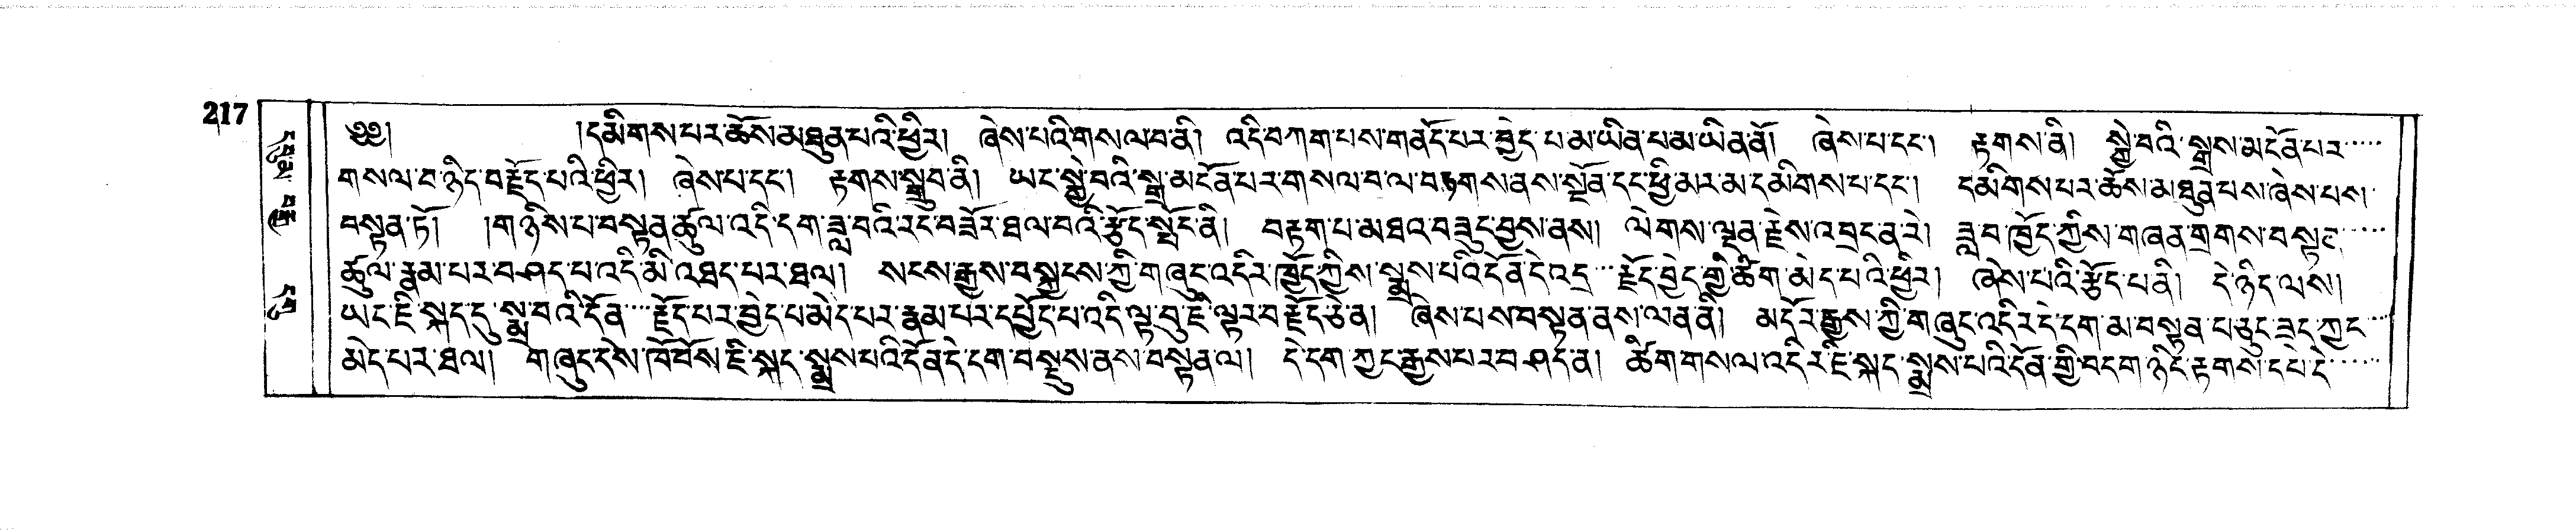༄༅། །དམིགས་པར་ཆོས་མཐུན་པའི་ཕྱིར། ཞེས་པའི་གསལ་བ་ནི། འདི་བཀག་པས་གནོད་པར་བྱེད་པ་མ་ཡིན་པ་མ་ཡིན་ནོ། ཞེས་པ་དང་། རྟགས་ནི། སྐྱེ་བའི་སྒྲས་མངོན་པར་
གསལ་བ་ཉིད་བརྗོད་པའི་ཕྱིར། ཞེས་པ་དང་། རྟགས་སྒྲུབ་ནི། ཡང་སྐྱེ་བའི་སྒྲ་མངོན་པར་གསལ་བ་ལ་བཏགས་ནས་སྔོན་དང་ཕྱི་མར་མ་དམིགས་པ་དང་། དམིགས་པར་ཆོས་མཐུན་པས་ཞེས་པས་
བསྟན་ཏོ། །གཉིས་པ་བསྟན་ཚུལ་འདི་དག་ཟླ་བའི་རང་བཟོར་ཐལ་བའི་རྩོད་སྤོང་ནི། བརྟག་པ་མཐའ་བཟུང་བྱས་ནས། ལེགས་ལྡན་རྗེས་འབྲང་ན་རེ། ཟླ་བ་ཁྱོད་ཀྱིས་གཞན་གྲགས་བསྟན་
ཚུལ་རྣམ་པར་བཤད་པ་འདི་མི་འཐད་པར་ཐལ། སངས་རྒྱས་བསྐྱངས་ཀྱི་གཞུང་འདིར་ཁྱོད་ཀྱིས་སྨྲས་པའི་དོན་དེ་འདྲ་རྗོད་བྱེད་ཀྱི་ཚིག་མེད་པའི་ཕྱིར། ཞེས་པའི་རྩོད་པ་ནི། དེ་ཉིད་ལས།
ཡང་ཇི་སྐད་དུ་སྨྲ་བའི་དོན་རྗོད་པར་བྱེད་པ་མེད་པར་རྣམ་པར་དཔྱོད་པ་འདི་ལྟ་བུ་ཇི་ལྟར་བརྗོད་ཅེ་ན། ཞེས་པས་བསྟན་ནས་ལན་ནི། མདོར་རྒྱས་ཀྱི་གཞུང་འདིར་དེ་དག་མ་བསྟན་པ་ཅུང་ཟད་ཀྱང་
མེད་པར་ཐལ། གཞུང་དེས་ཁོ་བོས་ཇི་སྐད་སྨྲས་པའི་དོན་དེ་དག་བསྡུས་ནས་བསྟན་ལ། དེ་དག་ཀྱང་རྒྱས་པར་བཤད་ན། ཚིག་གསལ་འདིར་ཇི་སྐད་སྨྲས་པའི་དོན་གྱི་བདག་ཉིད་རྟགས་དཔེ་དེ་